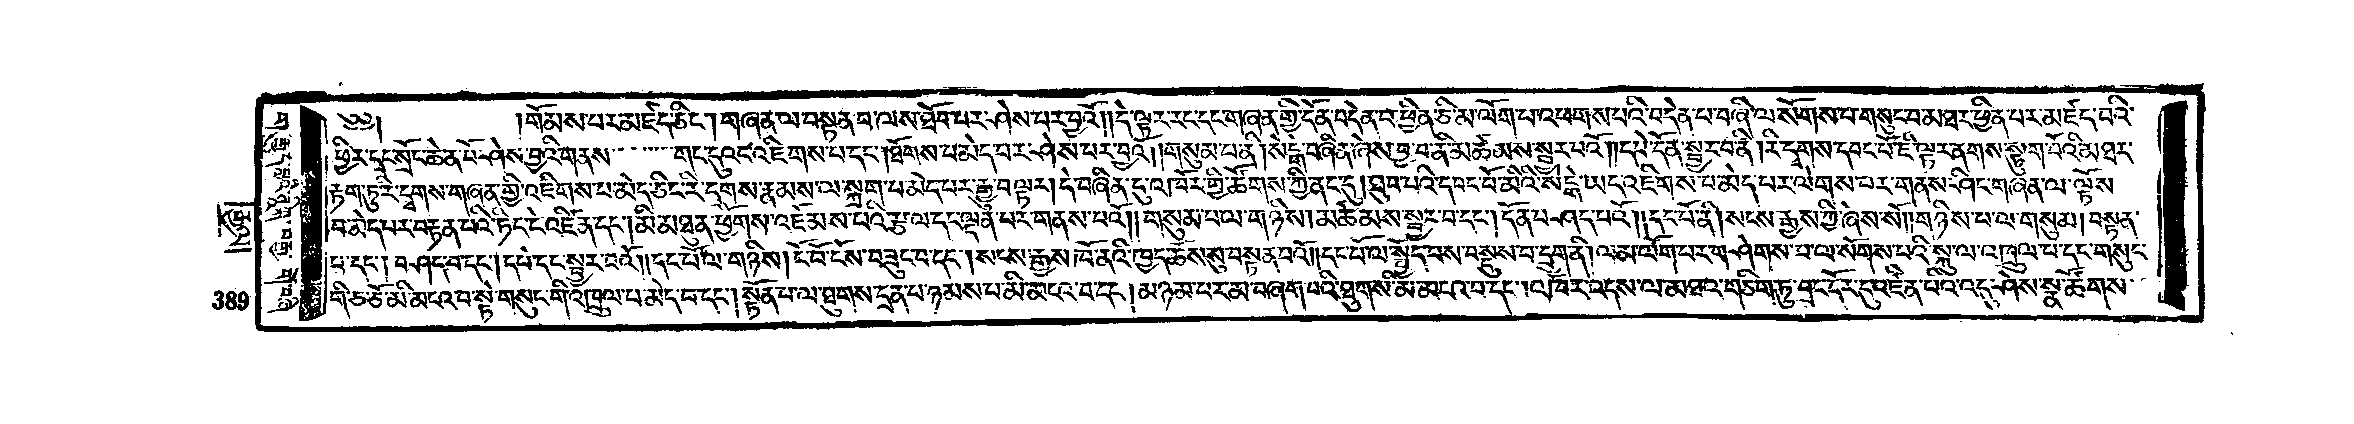༄༅། །གོམས་པར་མཛད་ཅིང་། གཞན་ལ་བསྟན་པ་ལས་ཐོབ་པར་ཤེས་པར་བྱའོ། །དེ་ལྟར་རང་དང་གཞན་གྱི་དོན་བདེན་པ་ཕྱིན་ཅི་མ་ལོག་པ་འཕགས་པའི་བདེན་པ་བཞི་ལ་སོགས་པ་གསུང་བ་མཐར་ཕྱིན་པར་མཛད་པའི་
ཕྱིར་དྲང་སྲོང་ཆེན་པོ་ཤེས་བྱའི་གནས་གང་དུའང་འཇིགས་པ་དང་། ཐོགས་པ་མེད་པར་ཤེ་པར་བྱའོ། །གསུམ་པ་ནི། སེངགེ་བཞིན་ཞེས་བྱ་བ་ནི་མཚམས་སྦྱར་བའོ། །དཔེ་དོན་སྦྱར་བ་ནི། རི་དྭགས་དབང་པོ་ཇི་ལྟར་ནགས་སྟུག་པོའི་མཐར་
རྟག་ཏུ་རི་དྭགས་གཞན་གྱི་འཇིགས་པ་མེད་ཅིང་རི་དྭགས་རྣམས་ལ་སྐྲག་པ་མེད་པར་རྒྱུ་བ་ལྟར། དེ་བཞིན་དུ་འཁོར་གྱི་ཚོགས་ཀྱི་ནང་དུ། ཐུབ་པའི་དབང་པོ་མིའི་སེངགེ་ཡང་འཇིགས་པ་མེད་པར་ལེགས་པར་གནས་ཤིང་གཞན་ལ་ལྟོས་
པ་མེད་པར་བརྟན་པའི་ཏིང་ངེ་འཛིན་དང་། མི་མཐུན་ཕྱོགས་འཇོམས་པའི་རྩལ་དང་ལྡན་པར་གནས་པའོ། །གསུམ་པ་ལ་གཉིས། མཚམས་སྦྱར་བ་དང་། དོན་བཤད་པའོ། །དང་པོ་ནི། སངས་རྒྱས་ཀྱི་ཞེས་སོ། །གཉིས་པ་ལ་གསུམ། བསྟན་
པ་དང་། བཤད་པ་དང་། དཔེ་དང་སྦྱར་བའོ། །དང་པོ་ལ་གཉིས། ངོ་བོ་ངོས་བཟུང་བ་དང་། སངས་རྒྱས་ཁོ་ནའི་ཁྱད་ཆོས་སུ་བསྟན་པའོ། །དང་པོ་ལ་སྤྱོད་པས་བསྡུས་པ་དྲུག་ནི། ལམ་ལོག་པར་བཤད་པ་ལ་སོགས་པའི་སྐུ་ལ་འཁྲུལ་པ་དང་། གསུང་
གི་ཅ་ཅོ་མི་མངའ་བ་སྟེ་གསུང་གི་འཁྲུལ་པ་མེད་པ་དང་། སྟོན་པ་ལ་ཐུགས་དྲན་པ་ཉམས་པ་མི་མངའ་བ་དང་། མཉམ་པར་མ་བཞག་པའི་ཐུགས་མི་མངའ་བ་ང་། འཁོར་འདས་ལ་མཐའ་གཅིག་ཏུ་བྲང་དོར་དུ་འཛིན་པའི་འདུ་ཤེས་སྣ་ཚོགས་